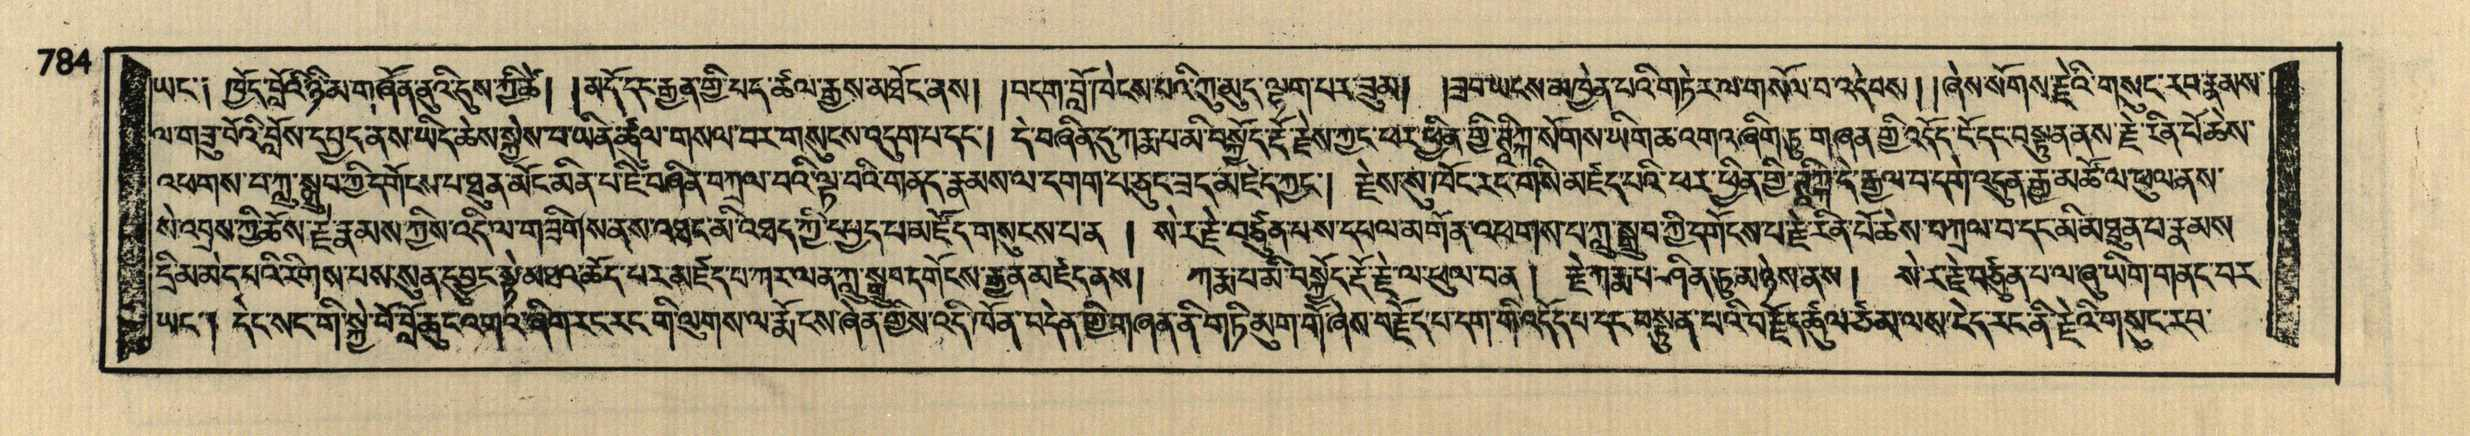ཡང༑ ཁྱོད་བློའི་ཉི་མ་གཞོན་ནུའི་དུས་ཀྱི་ཚེ། །མདོ་དང་རྒྱན་གྱི་པད་ཚལ་རྒྱས་མཐོང་ནས། །བདག་བློ་ཁེངས་པའི་ཀུ་མུད་ལྷག་པར་ཟུམ། །ཟབ་ཡངས་མཁྱེན་པའི་གཏེར་ལ་གསོལ་བ་འདེབས། །ཞེས་སོགས་རྗེའི་གསུང་རབ་རྣམས་
ལ་གཟུ་བོའི་བློས་དཔྱད་ནས་ཡིད་ཆེས་སྐྱེས་པ་ཡིན་ཚུལ་གསལ་བར་གསུངས་འདུག་པ་དང་། དེ་བཞིན་དུ་ཀརྨ་པ་མི་བསྐྱོད་རྡོ་རྗེས་ཀྱང་ཕར་ཕྱིན་གྱི་ཊཱིཀྐ་སོགས་ཡིག་ཆ་འགའ་ཞིག་ཏུ་གཞན་གྱི་འདོད་ངོ་དང་བསྟུན་ནས་རྗེ་རིན་པོ་ཆེས་
འཕགས་པ་ཀླུ་སྒྲུབ་ཀྱི་དགོངས་པ་ཐུན་མོང་མིན་པ་ཇི་བཞིན་བཀྲལ་བའི་ལྟ་བའི་གནད་རྣམས་ལ་དགག་པ་ཅུང་ཟད་མཇེད་ཀྱང་། རྗེས་སུ་ཁོང་རང་གིས་མཛད་པའི་ཕར་ཕྱིན་གྱི་ཊཱིཀྐ་དེ་རྒྱལ་བ་དགེ་འདུན་རྒྱ་མཚོ་ལ་ཕུལ་ནས་
སེ་འབྲས་ཀྱི་ཆོས་རྗེ་རྣམས་ཀྱིས་འདི་ལ་གཟིགས་ནས་འཐད་མི་འཐད་ཀྱི་དཔྱད་པ་མཛོད་གསུངས་པ་ན། སེ་ར་རྗེ་བཙུན་པས་དཔལ་མགོན་འཕགས་པ་ཀླུ་སྒྲུབ་ཀྱི་དགོངས་པ་རྗེ་རིན་པོ་ཆེས་བཀྲལ་བ་དང་མི་མཐུན་པ་རྣམས་
དྲི་མ་མེད་པའི་རིགས་པས་སུན་དབྱུང་སྟེ་མཐའ་ཆོད་པར་མཛད་པ་ཀར་ལན་ཀླུ་སྒྲུབ་དགོངས་རྒྱན་མཛད་ནས། ཀརྨ་པ་མི་བསྐྱོད་རྡོ་རྗེ་ལ་ཕུལ་བ་ན། རྗེ་ཀརྨ་པ་ཤིན་ཏུ་མཉེས་ནས། སེ་ར་རྗེ་བཙུན་པ་ལ་ཞུ་ཡིག་གནང་བར་
ཡང་། དེང་སང་གི་སྐྱེ་བོ་བློ་ཆུང་འགའ་ཞིག་རང་རང་གི་ལུགས་ལ་རྨོངས་ཞེན་གྱིས་འདི་ཁོ་ན་བདེན་གྱི་གཞན་ནི་གཏི་མུག་གོ་ཞེས་བརྗོད་པ་དག་གི་འདོད་པ་དང་བསྟུན་པའི་བརྗོད་ཚུལ་ཙམ་ལས་ངེད་རང་ནི་རྗེའི་གསུང་རབ་